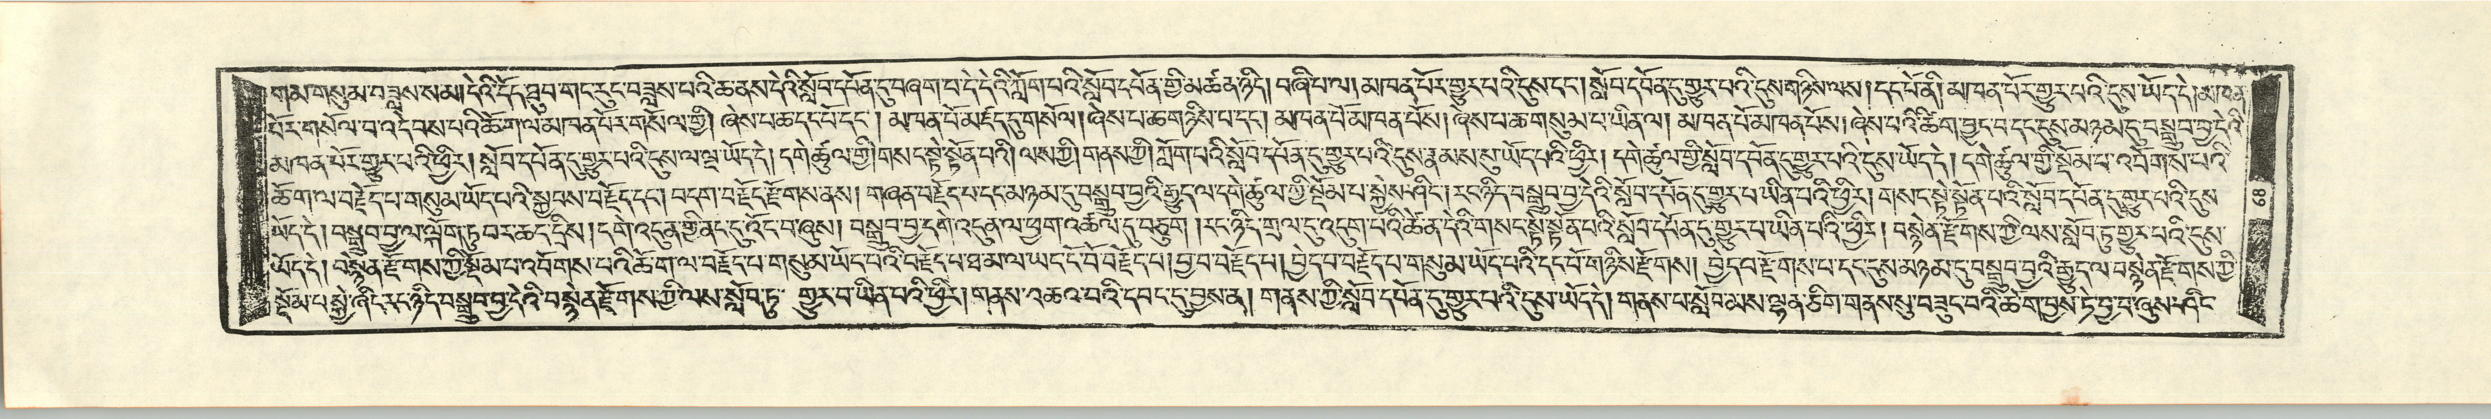གམ་གསུམ་བཟླས་སམ། དེའི་དོད་ཐུབ་གང་རུང་བཟླས་པའི་ཆ་ནས་དེའི་སློབ་དཔོན་དུ་བཞག་པ་དེ་དེའི་ཀློག་པའི་སློབ་དཔོན་གྱི་མཚན་ཉིད། བཞི་པ་ལ། མཁན་པོར་གྱུར་པའི་དུས་དང་། སློབ་དཔོན་དུ་གྱུར་པའི་དུས་གཉིས་ལས། དང་པོ་ནི། མཁན་པོར་གྱུར་པའི་དུས་ཡོད་དེ། མཁན་
པོར་གསོལ་བ་འདེབས་པའི་ཆོ་ག་ལ་མཁན་པོར་གསོལ་གྱི། ཞེས་པ་ཆ་དང་པོ་དང་། མཁན་པོ་མཛད་དུ་གསོལ། ཞེས་པ་ཆ་གཉིས་པ་དང་། མཁན་པོ་མཁན་པོས། ཞེས་པ་ཆ་གསུམ་པ་ཡིན་ལ། མཁན་པོ་མཁན་པོས། ཞེས་པའི་ཚིག་བྱུང་བ་དང་དུས་མཉམ་དུ་བསྒྲུབ་བྱ་དེའི་
མཁན་པོར་གྱུར་པའི་ཕྱིར། སློབ་དཔོན་དུ་གྱུར་པའི་དུས་ལ་ལྔ་ཡོད་དེ། དགེ་ཚུལ་གྱི། གསང་སྟེ་སྟོན་པའི། ལས་ཀྱི། གནས་ཀྱི། ཀློག་པའི་སློབ་དཔོན་དུ་གྱུར་པའི་དུས་རྣམས་སུ་ཡོད་པའི་ཕྱིར། དགེ་ཚུལ་གྱི་སློབ་དཔོན་དུ་གྱུར་པའི་དུས་ཡོད་དེ། དགེ་ཚུལ་གྱི་སྡོམ་པ་འབོགས་པའི་
ཆོ་ག་ལ་བརྗོད་པ་གསུམ་ཡོད་པའི་སྐྱབས་བརྗོད་དང་། བདག་བརྗོད་རྫོགས་ནས། གཞན་བརྗོད་པ་དང་མཉམ་དུ་བསྒྲུབ་བྱའི་རྒྱུད་ལ་དགེ་ཚུལ་གྱི་སྡོམ་པ་སྐྱེས་ཤིང་། རང་ཉིད་བསྒྲུབ་བྱ་དེའི་སློབ་དཔོན་དུ་གྱུར་པ་ཡིན་པའི་ཕྱིར། གསང་སྟེ་སྟོན་པའི་སློབ་དཔོན་དུ་གྱུར་པའི་དུས་
ཡོད་དེ། བསྒྲུབ་བྱ་ལ་ལྐོག་ཏུ་བར་ཆད་དྲིས། དགེ་འདུན་གྱི་ནང་དུ་འོང་བ་ཞུས། བསྒྲུབ་བྱ་དགེ་འདུན་ལ་ཕྱག་འཚལ་དུ་བཅུག །རང་ཉིད་གྲལ་དུ་འདུག་པའི་ཚེ་ན་དེའི་གསང་སྟེ་སྟོན་པའི་སློབ་དཔོན་དུ་གྱུར་པ་ཡིན་པའི་ཕྱིར། བསྙེན་རྫོགས་ཀྱི་ལས་སློབ་ཏུ་གྱུར་པའི་དུས་
ཡོད་དེ། བསྙེན་རྫོགས་ཀྱི་སྡོམ་པ་འབོགས་པའི་ཆོ་ག་ལ་བརྗོད་པ་གསུམ་ཡོད་པའི་བརྗོད་པ་ཐ་མ་ལ་ཡང་ངོ་བོ་བརྗོད་པ། བྱ་བ་བརྗོད་པ། བྱེད་པ་བརྗོད་པ་གསུམ་ཡོད་པའི་དང་པོ་གཉིས་རྫོགས། བྱེད་པ་རྫོགས་པ་དང་དུས་མཉམ་དུ་བསྒྲུབ་བྱའི་རྒྱུད་ལ་བསྙེན་རྫོགས་ཀྱི་
སྡོམ་པ་སྐྱེ་ཞིང་རང་ཉིད་བསྒྲུབ་བྱ་དེའི་བསྙེན་རྫོགས་ཀྱི་ལས་སློབ་ཏུ་གྱུར་བ་ཡིན་པའི་ཕྱིར། གནས་འཆའ་བའི་དབང་དུ་བྱས་ན། གནས་ཀྱི་སློབ་དཔོན་དུ་གྱུར་པའི་དུས་ཡོད་དེ། གནས་པ་སློབ་མས་ལྷན་ཅིག་གནས་སུ་བཟུང་བའི་ཆོ་ག་བྱས་ཏེ་བྱ་བ་ཞུས་ཤིང་